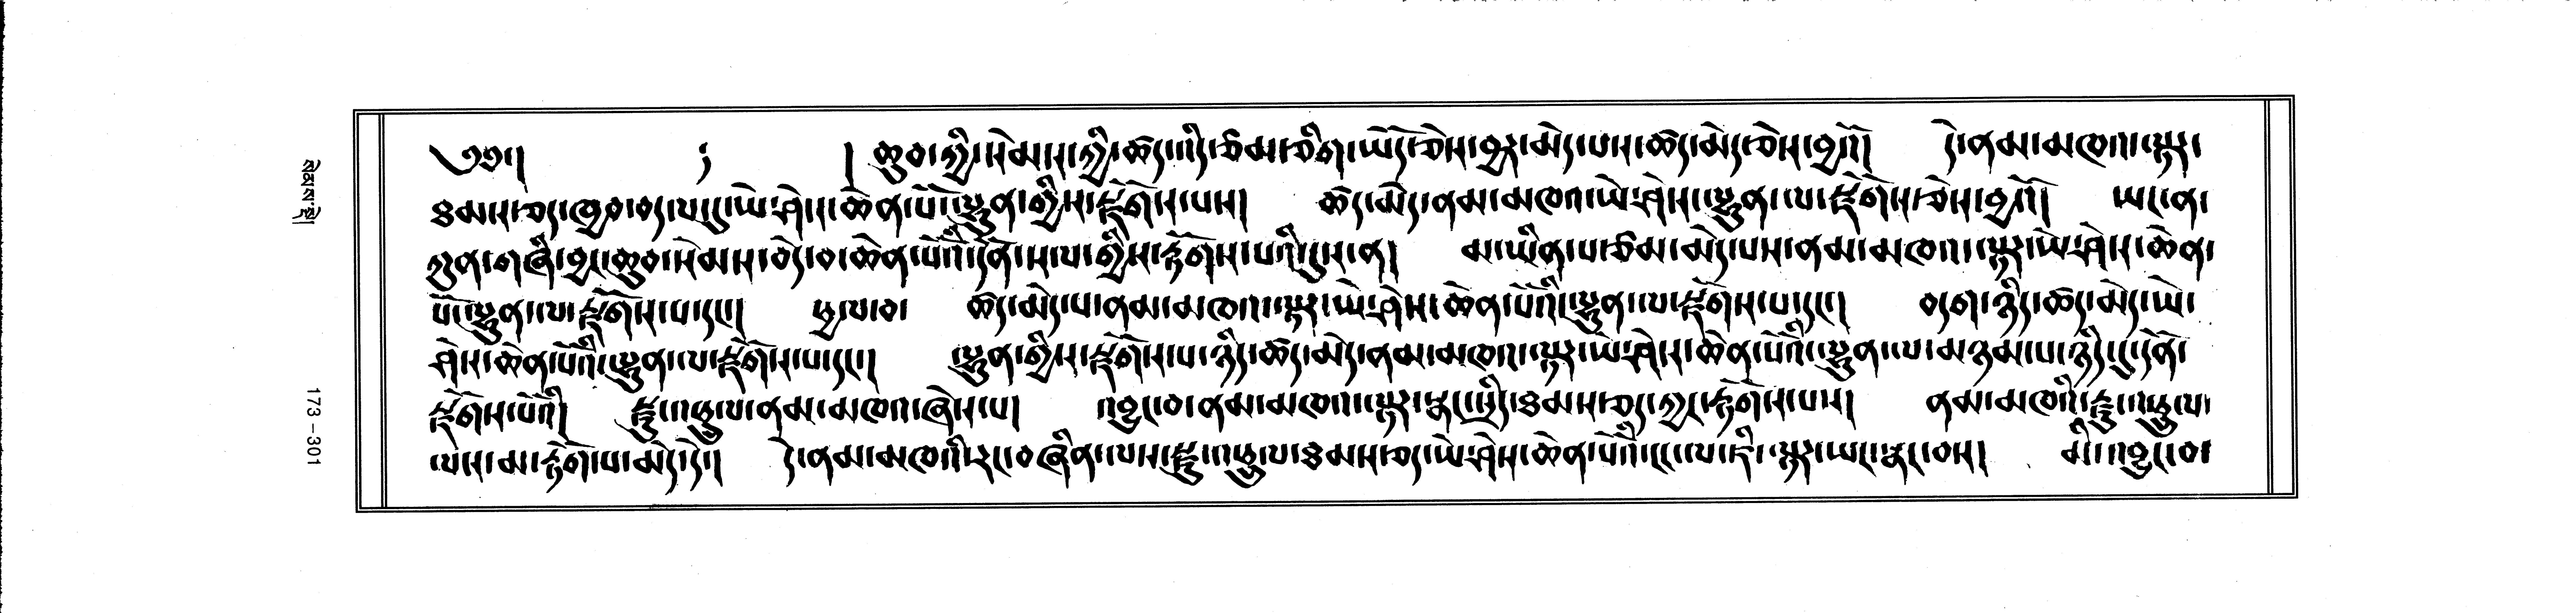ཆུབ་ཀྱི་སེམས་ཚད་འདི་ཙམ་ཞིག་ཡོད་ཅེས་བྱར་མེད་པས་ཚད་མེད་ཅེས་བྱའོ། །དེ་ནམ་མཁའ་ལྟར་
ཐམས་ཅད་ཁྱབ་བདལ་དུ་ཡེ་ཤེས་ཆེན་པོ་ལྷུན་གྱིས་རྫོགས་པས། ཚད་མེད་ནམ་མཁའ་ཡེ་ཤེས་ལྷུན་ལ་རྫོགས་ཞེས་བྱའོ། །ཡང་ན་
ཀུན་གཞི་བྱང་ཆུབ་ཀྱི་སེམས་བདེ་བ་ཆེན་པོའི་དོན་སལ་གྱིས་རྟོགས་པའི་དུས་ན། མ་ཡིན་པ་ཙམ་མེད་པས་ནམ་མཁའ་ལྟར་ཡེ་ཤེས་ཆེན་
པོ་ལྷུན་ལ་རྫོགས་པ་དང་། ཕྱལ་བ་ཚད་མེད་པ་ནམ་མཁའ་ལྟར་ཡེ་ཤེས་ཆེན་པོའི་ལྷུན་ལ་རྫོགས་པ་དང་། བདག་ཉིད་ཚད་མེད་ཡེ་
ཤེས་ཆེན་པོ་ལྷུན་ལ་རྫོགས་པ་དང་། ལྷུན་གྱིས་རྫོགས་པ་ཉིད་ཚད་མེད་ནམ་མཁའ་ལྟར་ཡེ་ཤེས་ཆེན་པོའི་ལྷུན་ལ་མཉམ་པ་ཉིད་དུ་དོན་
རྫོགས་པའོ། །རྫུ་འཕྲུལ་ནམ་མཁའ་ཞེས་པ། འབྱུང་བ་ནམ་མཁའ་ལྟར་སྣང་སྲིད་ཐམས་ཅད་ཀྱང་རྟོགས་པས། ནམ་མཁའི་རྫུ་འཕྲུལ་
ལས་མ་རྟོགས་པ་མེད་དེ། དེ་ནམ་མཁའི་རང་བཞིན་ལས་རྫུ་འཕྲུལ་ཐམས་ཅད་ཡེ་ཤེས་ཆེན་པོའི་ངང་ལ་ཇི་ལྟར་ཡང་སྣང་བས། མི་འབྱུང་བ་